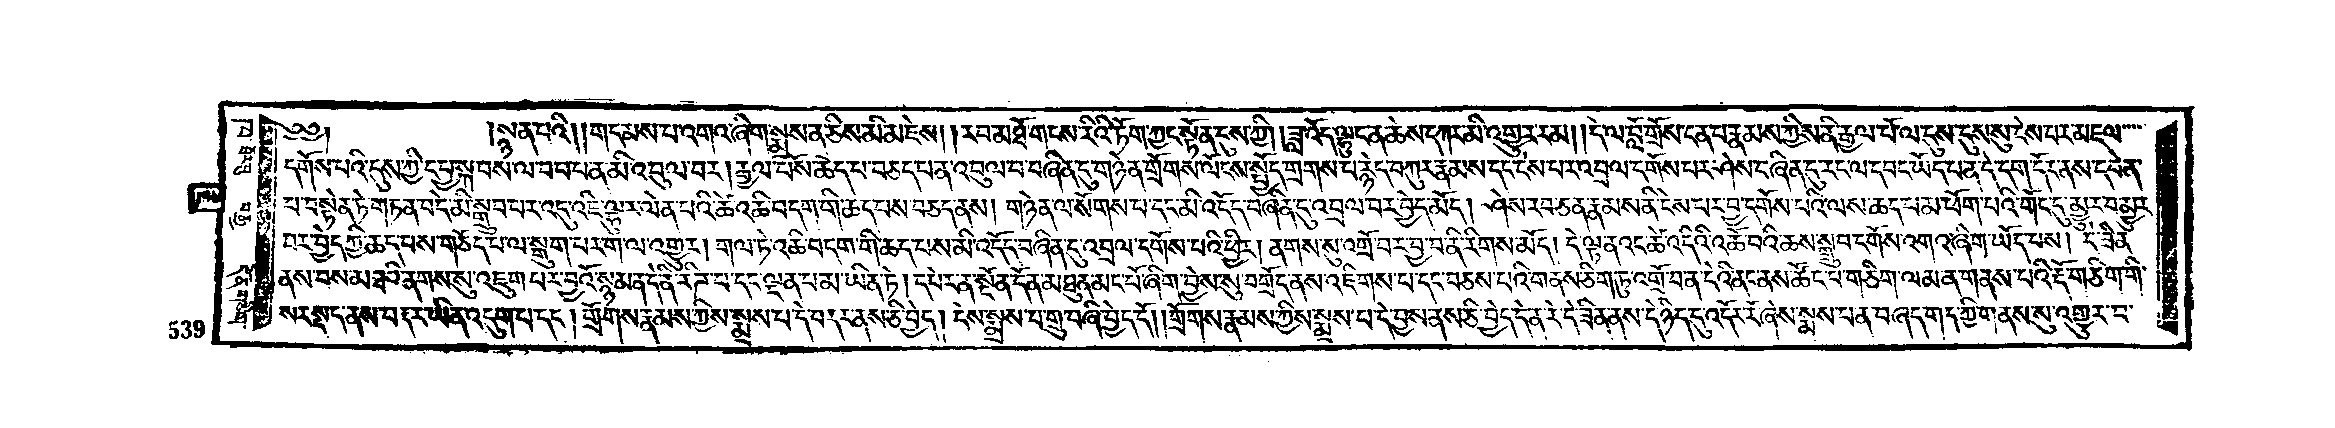༄༅། །སྙན་པའི། །གདམས་པ་འགའ་ཞིག་སྨྲས་ན་ཅིས་མི་མཛེས། །རབ་མཐོ་གངས་རིའི་ཏོག་ཀྱང་སྟོན་དུས་ཀྱི། །ཟླ་འོད་ལྷུང་ན་ཆེས་དཀར་མི་འགྱུར་རམ། །དེ་ལ་བློ་གྲོས་ངན་པ་རྣམས་ཀྱིས་ནི་རྒྱལ་པོ་ལ་དུས་དུས་སུ་ངེས་པར་མཇལ་
དགོས་པའི་དུས་ཀྱི་དཔྱི་སྐབས་ལ་བབ་པ་ན་མི་འབུལ་བར། རྒྱལ་པོས་ཆད་པ་བཅད་པ་ན་འབུལ་བ་བཞིན་དུ་གཉེན་གྲོགས་ལོངས་སྤྱོད་གྲགས་པ་རྙེད་བཀུར་རྣམས་དང་ངེས་པར་འབྲལ་དགོས་པར་ཤེས་བཞིན་དུ་རང་ལ་དབང་ཡོད་པ་ན་དེ་དག་དོར་ནས་དབེན་
པ་བསྟེན་ཏེ་གཏན་བདེ་མི་སྒྲུབ་པར་འདུ་འཇི་ལྷུར་ལེན་པའི་ཚེ་འཆི་བདག་གི་ཆད་པས་བཅད་ནས། གཉེན་ལ་སོགས་པ་དང་མི་འདོད་བཞིན་དུ་འབྲལ་བར་བྱེད་མོད། ཤེས་རབ་ཅན་རྣམས་ནི་ངེས་པར་བྱ་དགོས་པའི་ལས་ཆད་པ་མ་ཕོག་པའི་གོང་དུ་མྱུར་བ་མྱུར་
བར་བྱེད་ཀྱི་ཆད་པས་གཅོད་པ་ལ་སྒུག་པར་ག་ལ་འགྱུར། གལ་ཏེ་འཆི་བདག་གི་ཆད་པས་མི་འདོད་བཞིན་དུ་འབྲལ་དགོས་པའི་ཕྱིར། ནགས་སུ་འགྲོ་བར་བྱ་བ་ནི་རིགས་མོད། དེ་ལྟ་ནའང་ཚེ་འདིའི་འཚོ་བའི་ཆས་སྒྲུབ་དགོས་འགའ་ཞིག་ཡོད་པས། དེ་ཟིན་
ནས་བས་མཐའི་ནགས་སུ་འཇུག་པར་བྱའོ་སྙམ་ན་དེ་ནི་རིགས་པ་དང་ལྡན་པ་མ་ཡིན་ཏེ། དཔེར་ན་སྔོན་དོན་མཐུན་མང་པོ་ཞིག་བྱེས་སུ་བགྲོད་ནས་འཇིགས་པ་དང་བཅས་པའི་གནས་ཅིག་ཏུ་འགྲོ་བ་ན་དེའི་ནང་ནས་ཚོང་པ་གཅིག་ལམ་ན་གནས་པའི་རྡོ་གཅིག་གི་
སར་སྡད་ནས་བརྡར་ཡིན་འདུག་པ་དང་། གྲོགས་རྣམས་ཀྱིས་སྨྲས་པ་དེ་བརྡར་ནས་ཅི་བྱེད། ངེས་སྨྲས་པ་གྲུ་བཞི་བྱེད་དོ། །གྲོགས་རྣམས་ཀྱིས་སྨྲས་པ་དེ་བྱས་ནས་ཅི་བྱེད་དེ་ན་རེ་དེ་ཟིན་ནས་དེ་ཉིད་དུ་འདོར་རོ་ཞེས་སྨྲས་པ་ན་བཞད་གད་ཀྱི་གནས་སུ་འགྱུར་བ་